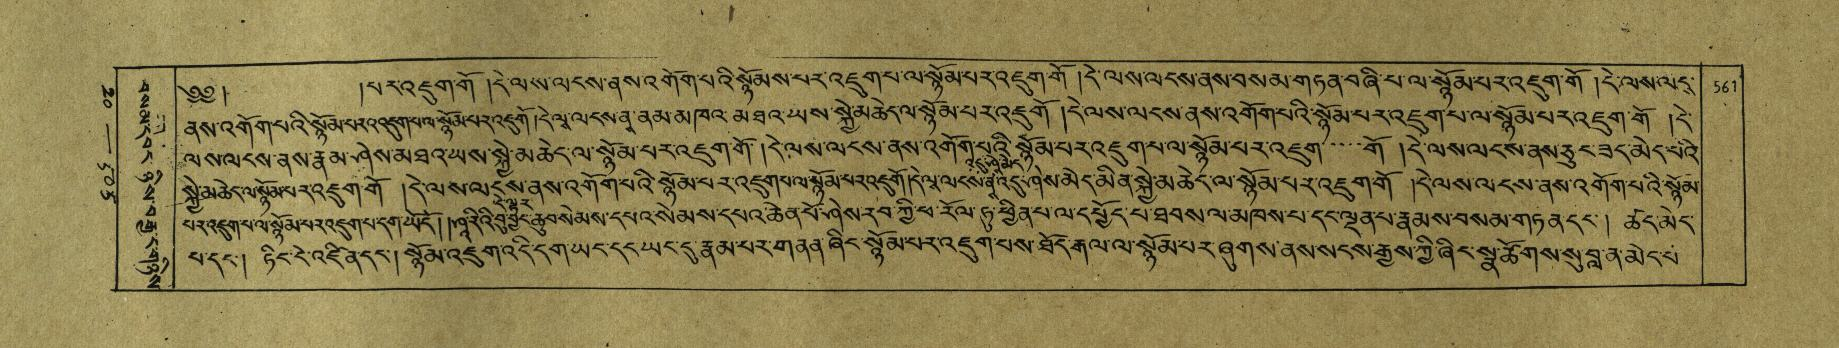༄༅། །པར་འཇུག་གོ །དེ་ལས་ལངས་ནས་འགོག་པའི་སྙོམས་པར་འཇུག་པ་ལ་སྙོམ་པར་འཇུག་གོ །དེ་ལས་ལངས་ནས་བསམ་གཏན་བཞི་པ་ལ་སྙོམ་པར་འཇུག་གོ །དེ་ལས་ལངས་
ནས་འགོག་པའི་སྙོམ་པར་འཇུག་པ་ལ་སྙོམ་པར་འཇུག །དེ་ལས་ལངས་ནས་ནམ་མཁའ་མཐའ་ཡས་སྐྱེ་མཆེད་ལ་སྙོམ་པར་འཇུགོ །དེ་ལས་ལངས་ནས་འགོག་པའི་སྙོམ་པར་འཇུག་པ་ལ་སྙོམ་པར་འཇུག་གོ །དེ་
ལས་ལངས་ནས་རྣམ་ཤེས་མཐའ་ཡས་སྐྱེ་མཆེད་ལ་སྙོམ་པར་འཇུག་གོ །དེ་ལས་ལངས་ནས་འགོག་པའི་སྙོམ་པར་འཇུག་པ་ལ་སྙོམ་པར་འཇུག་གོ །དེ་ལས་ལངས་ནས་ཅུང་ཟད་མེད་པའི་
སྐྱེ་མཆེད་ལ་སྙོམ་པར་འཇུག་གོ །དེ་ལས་ལངས་ནས་འགོག་པའི་སྙོམ་པར་འཇུག་པ་ལ་སྙོམ་པར་འཇུགོ །དེ་ལས་ལངས་འདུ་ཤེས་མེད?་ནས་འདུ་ཤེས་མེད་མིན་སྐྱེ་མཆེད་ལ་སྙོམ་པར་འཇུག་གོ །དེ་ལས་ལངས་ནས་འགོག་པའི་སྙོམ་
པར་འཇུག་པ་ལ་སྙོམ་པར་འཇུག་པ་དག་ཡོད། །ཤཱ་རིའི་བུ་དེ་ལྟར་བྱང་ཆུབ་སེམས་དཔའ་ཆེན་པོ་ཤེས་རབ་ཀྱི་ཕ་རོལ་ཏུ་ཕྱིན་པ་ལ་དཔྱོད་པ་ཐབས་ལ་མཁས་པ་དང་ལྡན་པ་རྣམས་བསམ་གཏན་དང་། ཚད་མེད་
པ་དང་། ཏིང་ངེ་འཛིན་དང་། སྙོམ་འཇུག་འདི་དག་ཡང་དང་ཡང་དུ་རྣམ་པར་གནང་ཞིང་སྙོམ་པར་འཇུག་པས་ཐོད་རྒལ་ལ་སྙོམ་པར་ཞུགས་ནས་སངས་རྒྱས་ཀྱི་ཞིང་སྣ་ཚོགས་སུ་བླ་ན་མེད་པ་